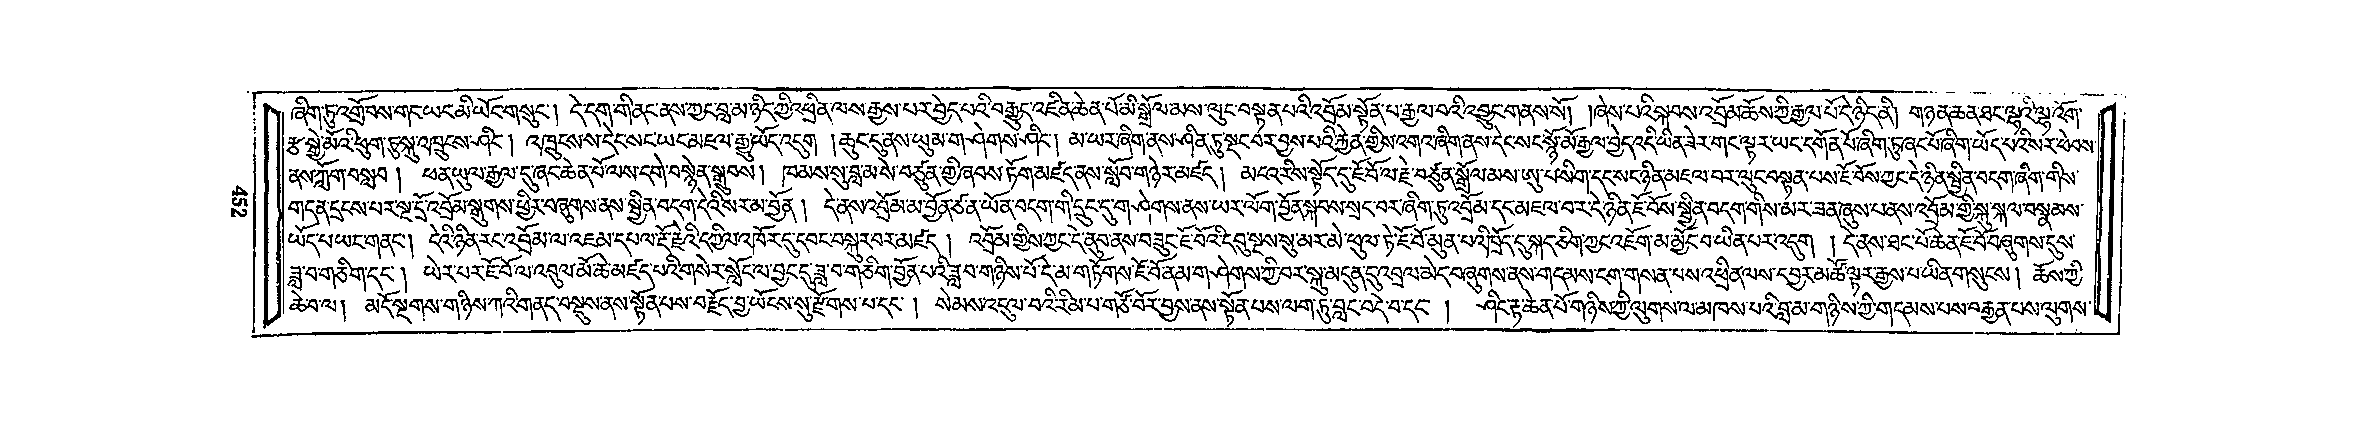ཞིག་ཏུ་འགྲོ་བས་གང་ཡང་མི་ཡོང་གསུང་། དེ་དག་གི་ནང་ནས་ཀྱང་བླ་མ་ཉིད་ཀྱི་འཕྲིན་ལས་རྒྱས་པར་བྱེད་པའི་བརྒྱུད་འཛིན་ཆེན་པོ་མི་སྒྲོལ་མས་ལུང་བསྟན་པའི་འབྲོམ་སྟོན་པ་རྒྱལ་བའི་འབྱུང་གནས་སོ། །ཞེས་པའི་སྐབས་འབྲོམ་ཆོས་ཀྱི་རྒྱལ་པོ་དེ་ཉིད་ནི། གཉན་ཆན་ཐང་ལྷའི་ལྷ་འོག་
རྩ་སྒྱེ་མོའི་ཕུག་ཏུ་སྐུ་འཁྲུངས་ཤིང་། འཁྲུངས་ས་དེང་སང་ཡང་མཇལ་རྒྱུ་ཡོད་འདུག །ཆུང་ངུ་ནས་ཡུམ་གཤེགས་ཤིང་། མ་ཡར་ཞིག་ནས་ཤིན་ཏུ་སྡང་བར་བྱས་པའི་རྐྱེན་གྱིས་འགའ་ཞིག་ནས་དེང་སང་སྙོ་མོ་རྒྱལ་བྱེད་འདི་ཡིན་ཟེར་གང་ལྟར་ཡང་དགོན་པོ་ཞིག་ཏུ་ཞང་པོ་ཞིག་ཡོད་པའི་སར་ཕེབས་
ནས་ཀློག་བསླབ། ཕན་ཡུལ་རྒྱལ་དུ་ཞང་ཆེན་པོ་ལས་དགེ་བསྙེན་སྒྲུབས། ཁམས་སུ་བླ་མ་སེ་བཙུན་གྱི་ཞབས་ཏོག་མཛད་ནས་སློབ་གཉེར་མཛད། མངའ་རིས་སྟོད་དུ་ཇོ་བོ་ལ་རྗེ་བཙུན་སྒྲོལ་མས་ཨུ་པ་སིག་དང་སང་ཉིན་མཇལ་བར་ལུང་བསྟན་པས་ཇོ་བོས་ཀྱང་དེ་ཉིན་སྦྱིན་བདག་ཞིག་གིས་
གདན་དྲངས་པར་སྔ་དྲོ་འབྲོམ་སྒུགས་ཕྱིར་བཞུགས་ནས་སྦྱིན་བདག་དེའི་སར་མ་བྱོན། དེ་ནས་འབྲོམ་མ་བྱོན་ཙ་ན་ཡོན་བདག་གི་དྲུང་དུ་གཤེགས་ནས་ཡར་ལོག་བྱོན་སྐབས་སྲང་བར་ཞིག་ཏུ་འབྲོམ་དང་མཇལ་བར་དེ་ཉིན་ཇོ་བོས་སྦྱིན་བདག་གིས་མར་ཟན་ཞུས་པ་ནས་འབྲོམ་གྱི་སྐུ་སྐལ་བསྣམས་
ཡོད་པ་ཡང་གནང་། དེའི་ཉིན་རང་འབྲོམ་ལ་འཇམ་དཔལ་རྡོ་རྗེའི་དཀྱིལ་འཁོར་དུ་དབང་བསྐུར་བར་མཛད། འབྲོམ་གྱིས་ཀྱང་དེ་ནུབ་ནས་བཟུང་ཇོ་བོའི་དབུ་སྔས་སུ་མར་མེ་ཕུལ་ཏེ་ཇོ་བོ་མུན་པའི་ཁྲོད་དུ་སྐད་ཅིག་ཀྱང་འཇོག་མ་མྱོང་བ་ཡིན་པར་འདུག །དེ་ནས་ཐང་པོ་ཆེན་ཇོ་བོ་བཞུགས་དུས་
ཟླ་བ་གཅིག་དང་། ཡེར་པར་ཇོ་བོ་ལ་འབུལ་མོ་ཆེ་མཛད་པའི་གསེར་སློང་ལ་བྱང་དུ་ཟླ་བ་གཅིག་བྱོན་པའི་ཟླ་བ་གཉིས་པོ་དེ་མ་གཏོགས་ཇོ་བོ་ནམ་གཤེགས་ཀྱི་བར་སྐུ་མདུན་དུ་འབྲལ་མེད་བཞུགས་ནས་གདམས་ངག་གསན་པས་འཕྲིན་ལས་དབྱར་མཚོ་ལྟར་རྒྱས་པ་ཡིན་གསུངས། ཆོས་ཀྱི་
ཆེ་བ་ལ། མདོ་སྔགས་གཉིས་ཀའི་གནད་བསྡུས་ནས་སྟོན་པས་བརྗོད་བྱ་ཡོངས་སུ་རྫོགས་པ་དང་། སེམས་འདུལ་བའི་རིམ་པ་གཙོ་བོར་བྱས་ནས་སྟོན་པས་ལག་ཏུ་བླང་བདེ་བ་དང་། ཤིང་རྟ་ཆེན་པོ་གཉིས་ཀྱི་ལུགས་ལ་མཁས་པའི་བླ་མ་གཉིས་ཀྱི་གདམས་པས་བརྒྱན་པས་ལུགས་